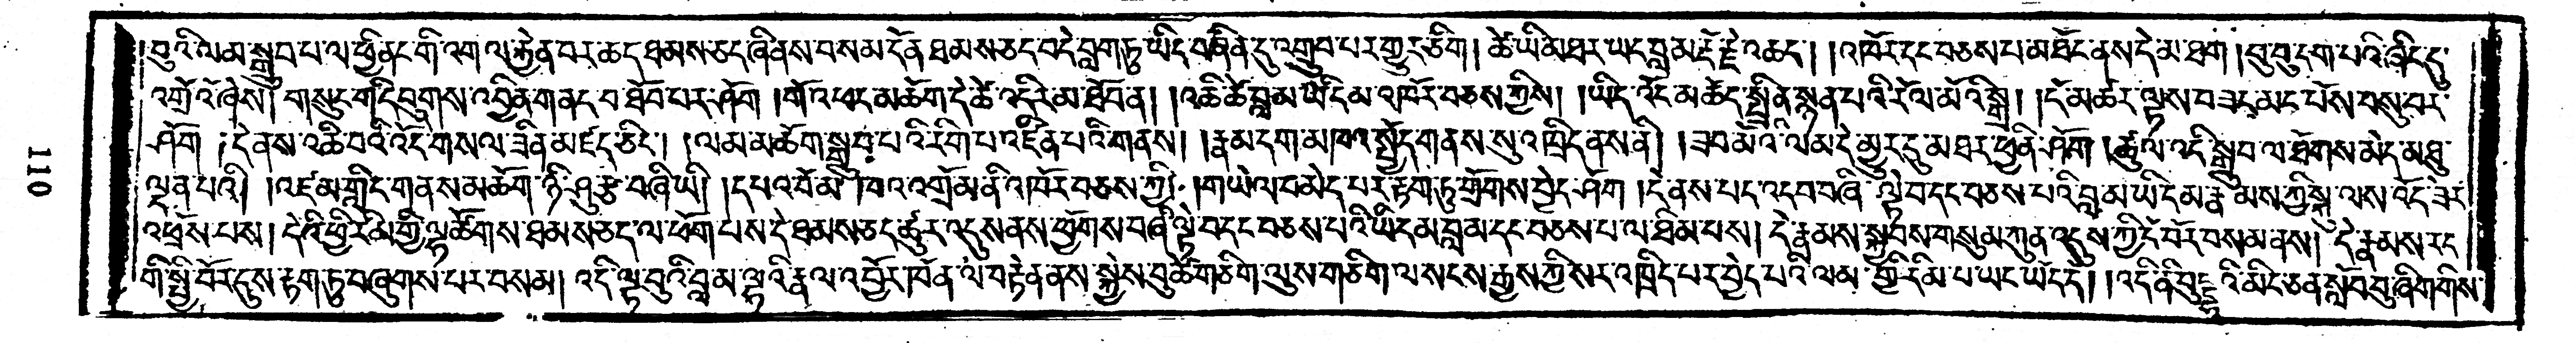བུའི་ལམ་སྒྲུབ་པ་ལ་ཕྱི་ནང་གི་འགལ་རྐྱེན་བར་ཆད་ཐམས་ཅད་ཞི་ནས་བསམ་དོན་ཐམས་ཅད་བདེ་བླག་ཏུ་ཡིད་བཞིན་དུ་འགྲུབ་པར་གྱུར་ཅིག། ཚེ་ཡི་མཐར་ཡང་བླ་མ་རྡོ་རྗེ་འཆང་། །འཁོར་དང་བཅས་པ་མཐོང་ནས་དེ་མ་ཐག །བུ་བུ་དག་པའི་ཞིང་དུ་
འགྲོའོ་ཞེས། གསུང་གི་དབུགས་འབྱིན་གནང་བ་ཐོབ་པར་ཤོག །གོ་འཕང་མཆོག་དེ་ཚེ་འདིར་མ་ཐོབ་ན། །འཆི་ཚེ་བླ་མ་ཡི་དམ་འཁོར་བཅས་ཀྱིས། །ཡིད་འོང་མཆོད་སྤྲིན་སྙན་པའི་རོལ་མོའི་སྒྲ། །དོ་མཚར་ལྟས་བཟང་མང་པོས་བསུ་བར་
ཤོག །དེ་ནས་འཆི་བའི་འོད་གསལ་ཟིན་མཛད་ཅིང་། །ལམ་མཆོག་སྒྲུབ་པའི་རིག་པ་འཛིན་པའི་གནས། །རྣམ་དག་མཁའ་སྤྱོད་གནས་སུ་འཁྲིད་ནས་ནི། །ཟབ་མོའི་ལམ་དེ་མྱུར་དུ་མཐར་ཕྱིན་ཤོག །ཚུལ་འདི་སྒྲུབ་ལ་ཐོགས་མེད་མཐུ་
ལྡན་པའི། །འཛམ་གླིང་གནས་མཆོག་ཉི་ཤུ་རྩ་བཞི་ཡི། །དཔའ་བོ་མཁའ་འགྲོ་མ་ནི་འཁོར་བཅས་ཀྱི། །གཡེལ་བ་མེད་པར་རྟག་ཏུ་གྲོགས་བྱེད་ཤོག །དེ་ནས་པད་འདབ་བཞི་ལྟེ་བ་དང་བཅས་པའི་བླ་མ་ཡི་དམ་རྣམས་ཀྱི་སྐུ་ལས་འོད་ཟེར་
འཕྲོས་པས། དེའི་ཕྱི་རིམ་གྱི་ལྷ་ཚོགས་ཐམས་ཅད་ལ་ཕོག་པས་དེ་ཐམས་ཅད་ཚུར་འདུས་ནས་ཕྱོགས་བཞི་ལྟེ་བ་དང་བཅས་པའི་ཡི་དམ་བླ་མ་དང་བཅས་པ་ལ་ཐིམ་པས། དེ་རྣམས་སྐྱབས་གསུམ་ཀུན་འདུས་ཀྱི་དོ་བོར་བསམ་ནས། དེ་རྣམས་རང་
གི་སྤྱི་བོར་དུས་རྟག་ཏུ་བཞུགས་པར་བསམ། འདི་ལྟ་བུའི་བླ་མ་ལྷའི་རྣལ་འབྱོར་ཁོ་ན་ལ་བརྟེན་ནས་སྐྱེས་བུ་ཚེ་གཅིག་ལུས་གཅིག་ལ་སངས་རྒྱས་ཀྱི་སར་འཁྲིད་པར་བྱེད་པའི་ལམ་གྱི་རིམ་པ་ཡང་ཡོད་དོ། །འདི་ནི་བུདྡྷའི་མིང་ཅན་སློབ་བུ་ཞིག་གིས་